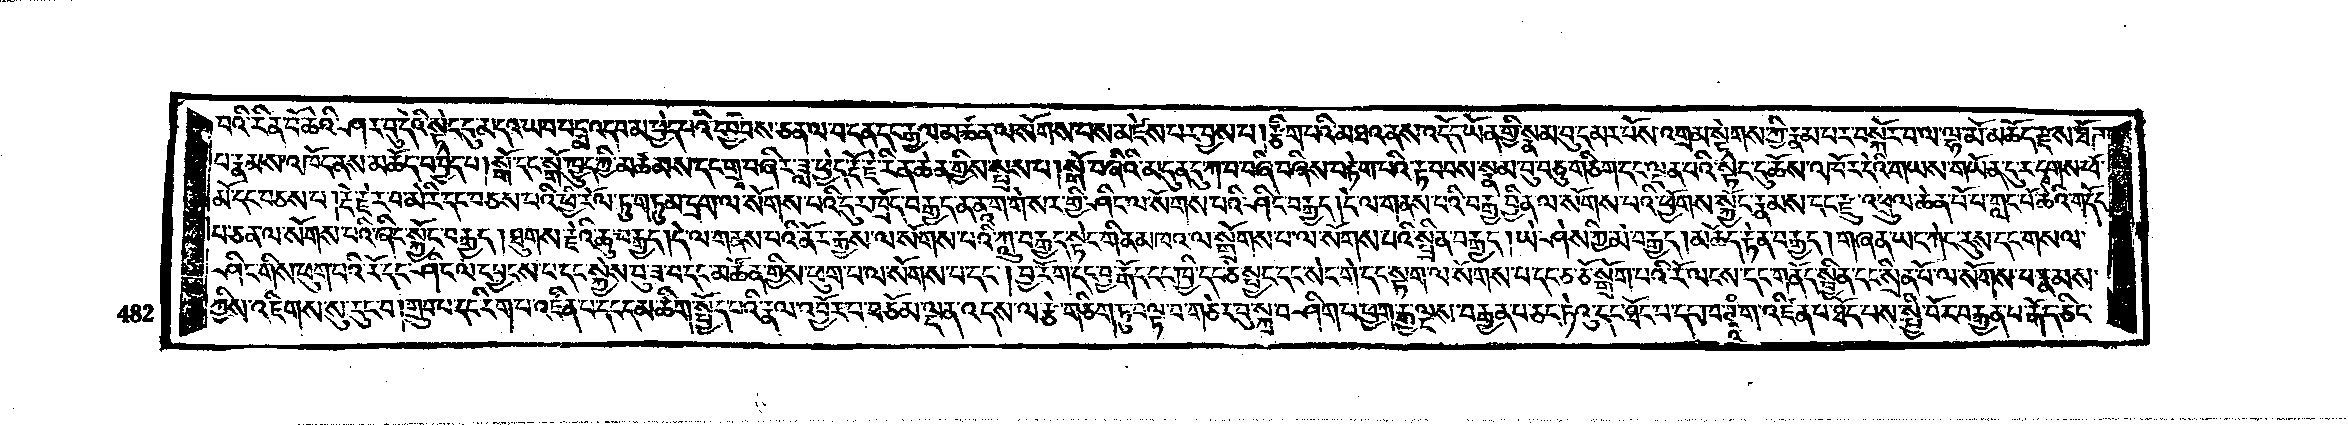བའི་རིན་པོ་ཆེའི་ཤར་བུ་དེའི་སྟེང་དུ་མདའ་ཡབ་པདམ་འདབ་མ་ཕྱེད་པའི་དབྱིབས་ཅན་ལ་བ་དན་དང་རྒྱལ་མཚན་ལ་སོགས་པས་མཛེས་པར་བྱས་པ། རྩིག་པའི་མཐའ་ནས་འདོད་ཡོན་གྱི་སྣམ་བུ་དམར་པོས་འགྲམ་སྟེགས་ཀྱི་རྣམ་པར་བསྐོར་བ་ལ་ལྷ་མོ་མཆོད་རྫས་ཐོགས་
པ་རྣམས་འཁོད་ནས་མཆོད་པ་བྱེད་པ། སྒོ་དང་སྒོ་ཁྱུད་ཀྱི་མཚམས་དང་གྲྭ་བཞིར་ཟླ་ཕྱེད་རྡོ་རྗེ་རིན་ཆེན་གྱིས་སྤྲས་པ། སྒོ་བཞིའི་མདུན་དུ་ཀ་བ་བཞི་བཞིས་བཏེག་པའི་རྟ་བབས་སྣམ་བུ་བཅུ་གཅིག་དང་ལྡན་པའི་སྟེང་དུ་ཆོས་འཁོར་དེའི་གཡས་གཡོན་དུ་རི་དྭགས་ཕོ་
མོ་དང་བཅས་པ། རྡོ་རྗེ་ར་བ་མེ་རི་དང་བཅས་པའི་ཕྱི་རོལ་ཏུ་གཏུམ་དྲག་ལ་སོགས་པའི་དུར་ཁྲོད་བརྒྱད་ན་ནཱ་ག་གེ་སར་གྱི་ཤིང་ལ་སོགས་པའི་ཤིང་བརྒྱད། དེ་ལ་གནས་པའི་བརྒྱ་བྱིན་ལ་སོགས་པའི་ཕྱོགས་སྐྱོང་རྣམས་དང་རྫུ་འཕྲུལ་ཆེན་པོ་པ་གླང་པོ་ཆེའི་གདོང་
པ་ཅན་ལ་སོགས་པའི་ཞིང་སྐྱོང་བརྒྱད། ཐུགས་རྗེའི་ཆུ་བརྒྱད། དེ་ལ་གནས་པའི་ནོར་རྒྱས་ལ་སོགས་པའི་ཀླུ་བརྒྱད་སྟེང་གི་ནམ་མཁའ་ལ་སྒྲོགས་པ་ལ་སོགས་པའི་སྤྲིན་བརྒྱད། ཡེ་ཤེས་ཀྱི་མེ་བརྒྱད། མཆོད་རྟེན་བརྒྱད། གཞན་ཡང་ཀེང་རུས་དང་གསལ་
ཤིང་གིས་ཕུག་པའི་རོ་དང་ཤིང་ལ་དཔྱངས་པ་དང་སྐྱེས་པ་ཟ་བ་དང་མཚོན་གྱིས་ཕུག་པ་ལ་སོགས་པ་དང་། བྱ་རོག་དང་བྱ་རྒོད་དང་ཁྱི་དང་ཅེ་སྤྱང་དང་སེང་གེ་དང་སྟག་ལ་སོགས་པ་དང་ཅ་ཅོ་སྒྲོག་པའི་རོ་ལངས་དང་གནོད་སྦྱིན་དང་སྲིན་པོ་ལ་སོགས་པ་རྣམས་
ཀྱིས་འཇིགས་སུ་རུང་བ། གྲུབ་པ་དང་རིག་པ་འཛིན་པ་དང་དམ་ཚིག་སྤྱོད་པའི་རྣལ་འབྱོར་པ་བཅོམ་ལྡན་འདས་ལ་རྩེ་གཅིག་ཏུ་བལྟ་བ་གཅེར་བུ་སྐྲ་བཤིག་པ་ཕྱག་རྒྱ་ལྔས་བརྒྱན་པ་ཅང་ཏེའུ་དང་ཐོང་པ་དང་ཁ་ཊྭཱཾ་ག་འཛིན་པ་ཐོད་པས་སྤྱི་བོར་བརྒྱན་པ་རྒོད་ཅིང་